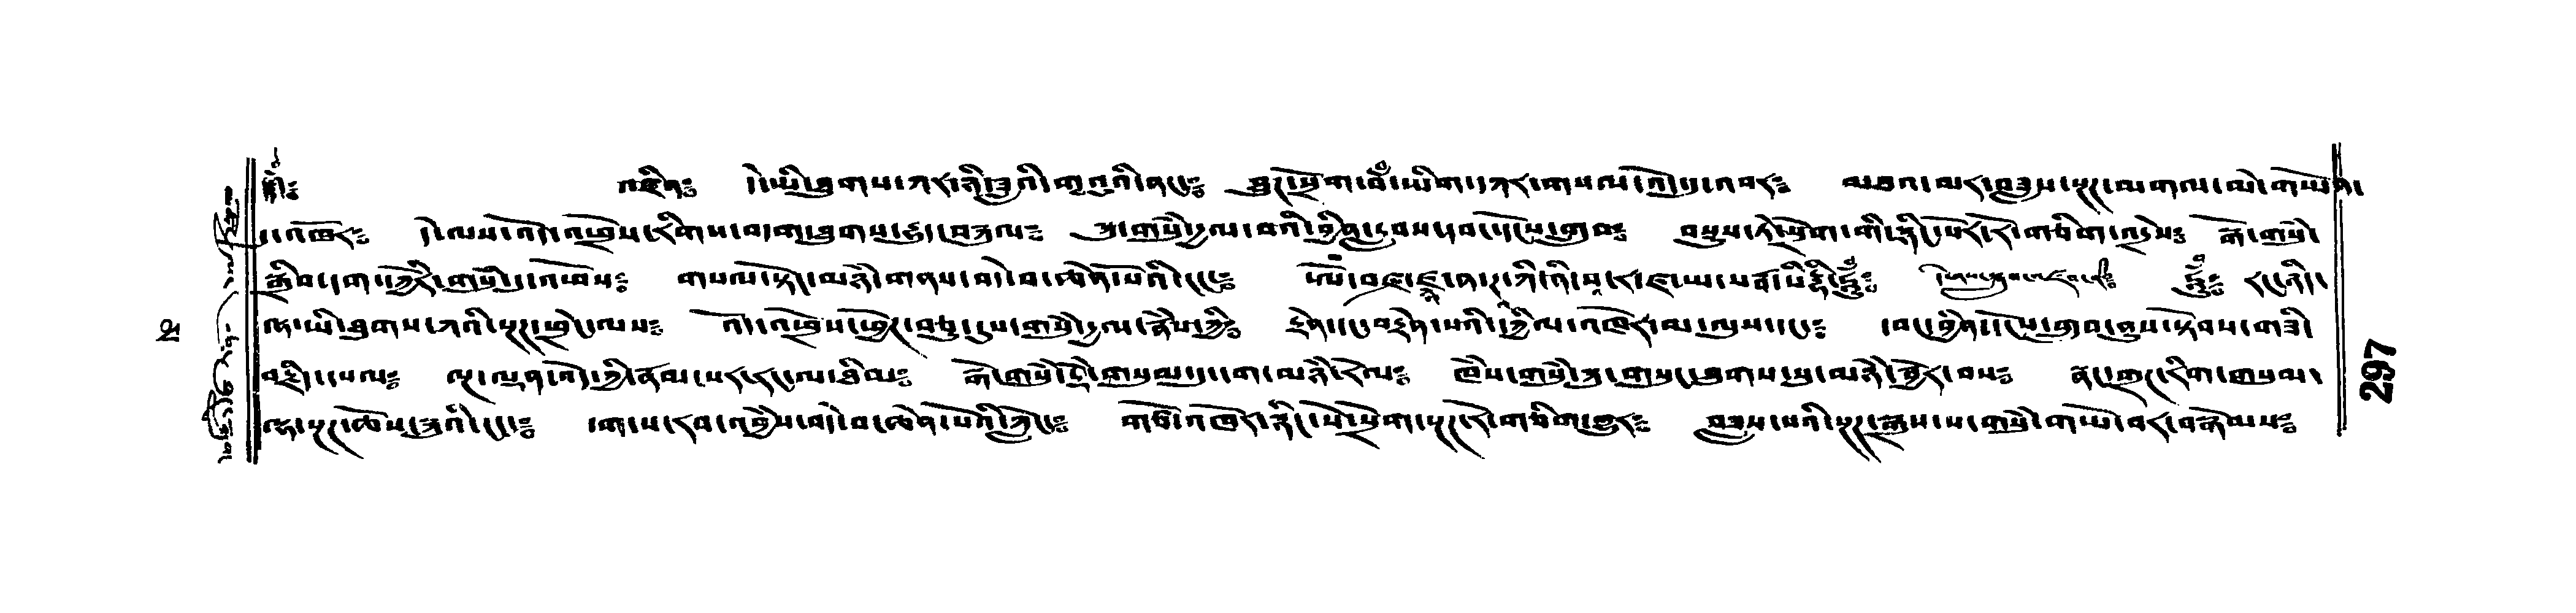འཛིན༔ དེ་ཡི་ཐུགས་ཀར་ཉི་ཟླའི་གྭའུའི་ནང༔ ཐུགས་སྲོག་བྃ་ཡིག་དཀར་གསལ་འོད་དུ་འབར༔ མཐའ་མར་བཟླས་སྔགས་མགལ་མེ་གཡོན་
དུ་འཁོར༔ དེ་ལས་འོད་འཕྲོས་རིགས་བདག་ཐུགས་རྒྱུད་བསྐུལ༔ སྐུ་གསུམ་རྒྱལ་བའི་བྱིན་རླབས་དབང་དངོས་གྲུབ༔བསྡུས་ཏེ་སྲོག་གི་སྙིང་པོར་རོ་གཅིག་འདྲེས༔ སྒོ་གསུམ་
སྒྲིབ་དག་དཀྱིལ་འཁོར་གསུམ་དུ་འཕོས༔ གསལ་སྟོང་མཉམ་གནས་བདེ་བ་ཆེན་པོའི་ངང༔ ཨོཾ་བཛྲ་ཛྙཱ་ན་ཌཱ་ཀི་ནི་སཱ་ར་ཛ་ཡ་སརྦ་སིདྡྷི་ཧཱུྃ༔ དེ་ནས་སྒྲུབ་འཛབ་ནི༔ ཧཱུྃ༔ རང་ཉིད་
ལྷ་ཡི་ཐུགས་ཀའི་སྔགས་ཕྲེང་ལས༔ འོད་འཕྲོས་ཕྱོགས་བཅུ་དུས་གསུམ་རྒྱལ་རྣམས་ཀྱི༔ རྟེན་དང་བརྟེན་པའི་དཀྱིལ་འཁོར་མ་ལུས་དང༔ དབང་བྱིན་དངོས་གྲུབ་ནུས་སྟོབས་གཟི་
བརྗིད་དཔལ༔ ལྔ་ལྡན་འོད་ཀྱི་རྣམ་པར་རང་ལ་ཐིམ༔ སྒོ་གསུམ་རྡོ་རྗེ་གསུམ་དུ་དག་མཉམ་རོལ༔ ཁམས་གསུམ་སྐུ་གསུང་ཐུགས་སུ་མཉམ་སྦྱོར་བས༔ སྣང་གྲགས་རིག་གསུམ་
ལྷ་སྔགས་ཆོས་སྐུའི་ངང༔ དག་པར་རབ་འབྱམས་བདེ་བ་ཆེན་པོའི་ཀློང༔ གཙོ་འཁོར་སྙིང་པོ་སྲོག་སྔགས་རོ་གཅིག་གྱུར༔ བཟླས་པའི་སྔགས་སྒྲས་ས་གསུམ་གཡོ་བར་བསྒོམས༔